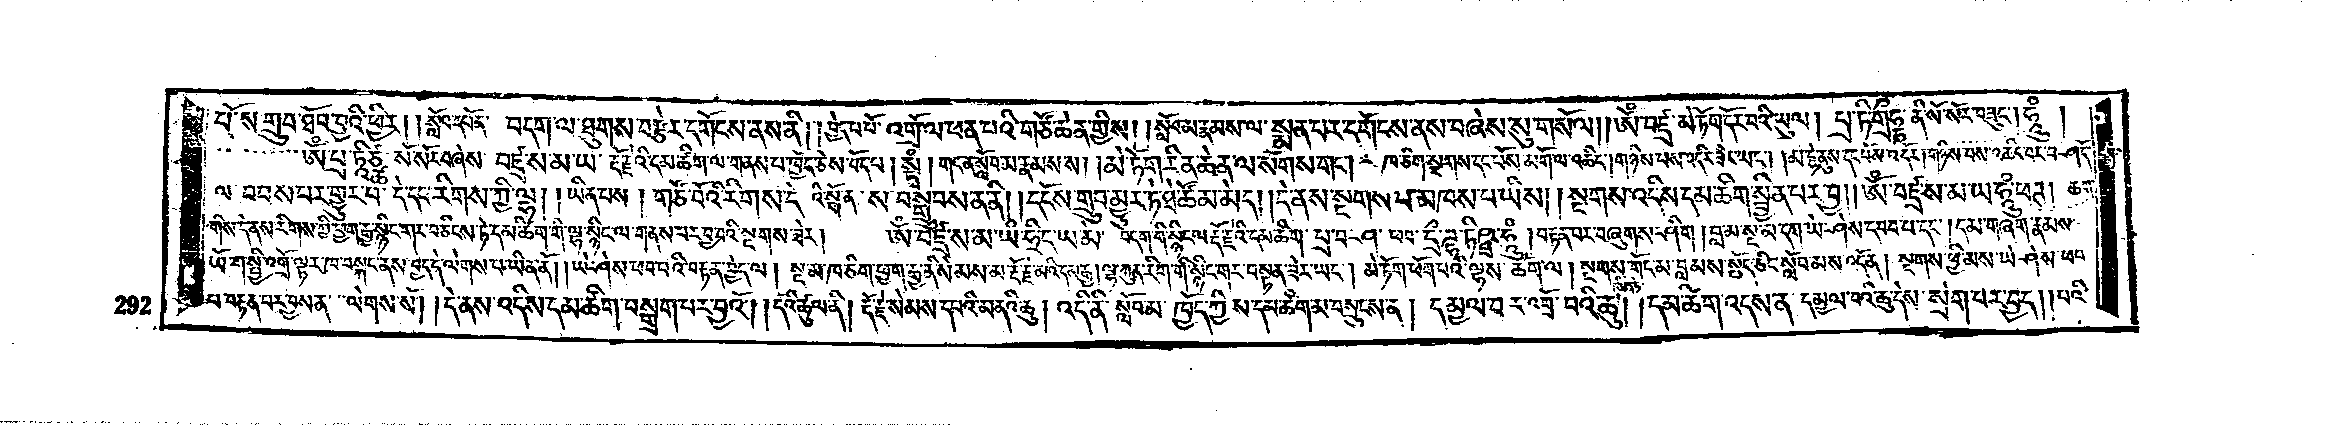དངོས་གྲུབ་ཐོབ་བྱའི་ཕྱིར། །སློབ་དཔོན་བདག་ལ་ཐུགས་བརྩེར་དགོངས་ནས་ནི། །བྱེད་པ་པོ་འགྲོ་ལ་ཕན་པའི་གཙོ་ཆེན་གྱིས། །སློབ་མ་རྣམས་ལ་སྨན་པར་དགོངས་ནས་བཞེས་སུ་གསོལ། །ཨོཾ་བཛྲ་མེ་ཏོག་དོར་བའི་ཡུལ།  པྲ་ཏི་གྲྀཧྞ་ནི་སོ་སོར་བཟུང་།  ཧཱུཾ།
ཨོཾ་པྲ་ཏཱིཙྪ་སོ་སོར་བཞེས་བཛྲ་ས་མ་ཡ་རྡོ་རྗེའི་དམ་ཚིག་ལ་གནས་པ་ཁྱོད་ཅེས་བོད་པ།  སྟྭཾ། གང་ན་སློབ་མ་རྣམས་སོ།  །མེ་ཏོག་རིན་ཆེན་ལ་སོགས་གང་། ཁ་ཅིག་སྔགས་དང་པོས་མགོ་ལ་འཆིང་། གཉིས་པས་འདོར་ཟེར་ཡང་། ཀ་མ་དྷེ་ནུས་དང་པོས་འདོར། གཉིས་པས་འཆིང་བར་བཤད་དོ་
ལ་བབས་པར་གྱུར་པ་དེ་དང་རིགས་ཀྱི་ལྷ། །ཡིན་པས།  གཙོ་བོའི་རིགས་དེའི་སྒོ་ན་ས་བསྒྲུབས་ན་ནི། །དངོས་གྲུབ་མྱུར་ཏེ་ཐེ་ཚོམ་མེད། །དེ་ནས་སྔགས་པ་མཁས་པ་ཡིས། །སྔགས་འདིས་དམ་ཚིག་སྦྱིན་པར་བྱ། །ཨོཾ་བཛྲ་ས་མ་ཡ་ཧཱུཾ་ཕཊ། ཆག་
གིས་དེ་ནས་རིགས་ཀྱི་ཕྱག་རྒྱ་སྙིང་གར་བཅིངས་ཏེ་དམ་ཚིག་གི་ལྷ་སྙིང་ལ་གནས་པར་བྱ་བའི་སྔགས་ཟེར། ཨོཾ་བཛྲ་ས་མ་ཡཾ་ཧྲི་ད་ཡ་མེ་བདག་གི་སྙིང་ལ་རྡོ་རྗེའི་དམ་ཚིག་པྲ་བ་ཤ་ཕབ་དྲྀ་ཌྷ་ཏིཥཊཿཨ་ཧཱུཾ། བརྟན་པར་བཞུགས་ཤིག །བླ་མ་སྔ་མ་དག་ཡེ་ཤེས་དབབ་པ་དང་། དམ་གཞག་རྣམས་
ཡོ་ག་སྤྱི་འགྲོ་ལྟར་ཁ་བསྐང་ནས་བྱེད་དེ་ལེགས་པ་ཡིན་ནོ། །ཡེ་ཤེས་ཕབ་པའི་བརྟན་བྱེད་ལ། སྔ་མ་ཁ་ཅིག་ཕྱག་རྒྱ་ནི་སེམས་མ་རྡོ་རྗེ་མའི་དམ་རྒྱ། ལྷ་ཀུན་རིག་གི་སྙིང་གར་བསྟན་ཟེར་ཡང་། མེ་ཏོག་ཕོག་པའི་ལྷས་ཆོག་ལ། སྔགས་གོང་མ་བླ་མས་སྤོད་ཅིང་སློབ་མས་འདོན། སྔགས་ཕྱི་མས་ཡེ་ཤེས་ཕབ་
པ་བརྟན་པར་བྱས་ན་ལེགས་སོ། །དེ་ནས་འདིས་དམ་ཚིག་བསྒྲག་པར་བྱའོ། །དེའི་ཚུལ་ནི། རྡོ་རྗེ་སེམས་དཔའི་མནའི་ཆུ། འདི་ནི་སློབ་མ་ཁྱོད་ཀྱིས་དམ་ཚིག་མ་བསྲུངས་ན།  དམྱལ་བར་འགྲོ་བའི་ཆུ་ཡིན་ཏེ། །དམ་ཚིག་འདས་ན་དམྱལ་བའི་ཆུ་དེས་སྲེག་པར་བྱེད། །པའི་